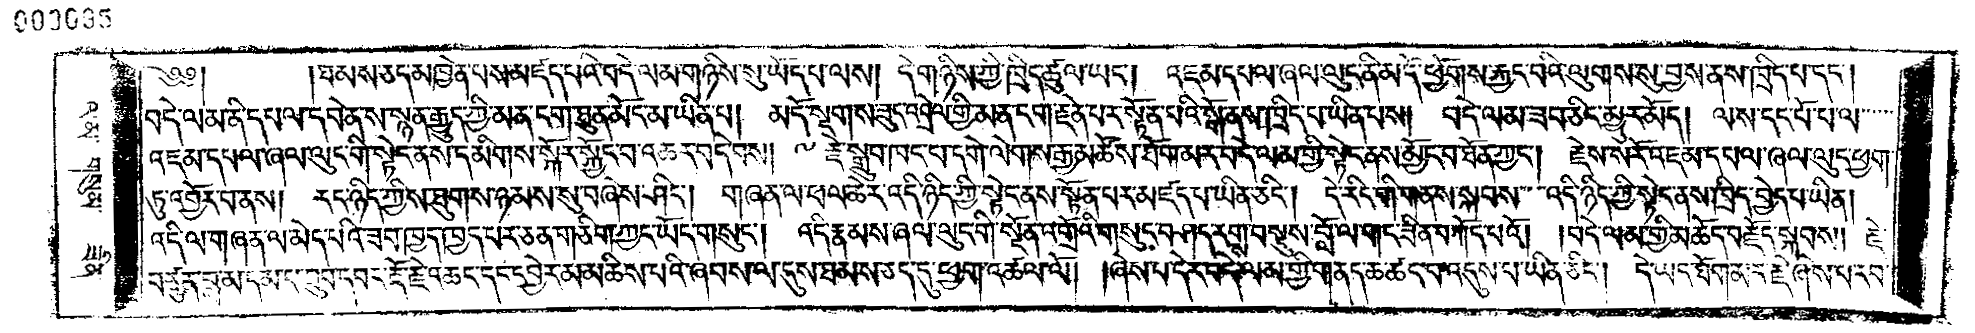༄༅། །ཐམས་ཅད་མཁྱེན་པས་མཛད་པའི་བདེ་ལམ་གཉིས་སུ་ཡོད་པ་ལས། དེ་གཉིས་ཀྱི་ཁྲིད་ཚུལ་ཡང་། འཇམ་དཔལ་ཞལ་ལུང་ནི་མདོ་ཕྱོགས་རྐྱང་བའི་ལུགས་སུ་བྱས་ནས་ཁྲིད་པ་དང་།
བདེ་ལམ་ནི་དཔལ་དབེན་ས་སྙན་རྒྱུད་ཀྱི་མན་ངག་ཐུན་མོང་མ་ཡིན་པ། མདོ་སྔགས་ཟུང་འབྲེལ་གྱི་མན་ངག་རྗེན་པར་སྟོན་པའི་སྒོ་ནས་ཁྲིད་པ་ཡིན་པས། བདེ་ལམ་ཟབ་ཅིང་མྱུར་མོད། ལས་དང་པོ་པ་ལ་
འཇམ་དཔལ་ཞལ་ལུང་གི་སྟེང་ནས་དམིགས་སྐོར་སྐྱོང་བ་འཆར་བདེ་བས། ༧་རྗེ་སྒྲུབ་ཁང་པ་དགེ་ལེགས་རྒྱ་མཚོས་ཐོག་མར་བདེ་ལམ་གྱི་སྟེང་ནས་མྱོང་བ་ཐོན་ཀྱང་། རྗེས་སོར་འཇམ་དཔལ་ཞལ་ལུང་ཕྱག་
ཏུ་འབྱོར་བ་ནས། རང་ཉིད་ཀྱིས་ཐུགས་ཉམས་སུ་བཞེས་ཤིང་། གཞན་ལ་ཕལ་ཆེར་འདི་ཉིད་ཀྱི་སྟེང་ནས་སྟོན་པར་མཛད་པ་ཡིན་ཅིང་། དེ་རིང་གི་གནས་སྐབས་འདི་ཉིད་ཀྱི་སྟེང་ནས་ཁྲིད་བྱེད་པ་ཡིན།
འདི་ལ་གཞན་ལ་མེད་པའི་ཟབ་ཁྱད་ཁྱད་པར་ཅན་གཅིག་ཀྱང་ཡོད་གསུང་། འདི་རྣམས་ཞལ་ལུང་གི་སྔོན་འགྲོའི་གསུང་བཤད་རགས་བསྡུས་བློ་ལ་གང་ཟིན་བཀོད་པའོ། །བདེ་ལམ་གྱི་མཆོད་བརྗོད་སྐབས། རྗེ་
བཙུན་བླ་མ་དམ་པ་ཐུབ་དབང་རྡོ་རྗེ་འཆང་དང་དབྱེར་མ་མཆིས་པའི་ཞབས་ལ་དུས་ཐམས་ཅད་དུ་ཕྱག་འཚལ་ལོ། །ཞེས་པ་དེར་བདེ་ལམ་གྱི་གནད་ཆ་ཚང་བ་འདུས་པ་ཡིན་ཅིང་། དེ་ཡང་ཐོག་མར་རྗེ་ཞེས་པ་རབ་